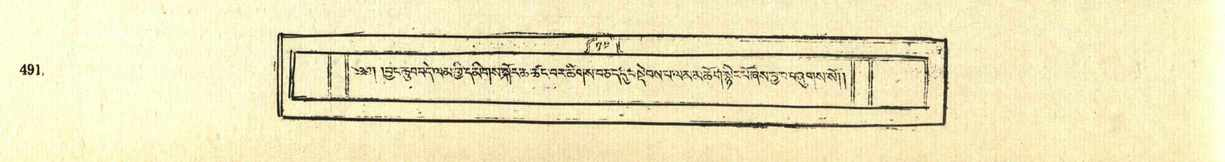༄༅། །བྱང་ཆུབ་བདེ་ལམ་གྱི་དམིགས་སྐོར་ཆ་ཚང་བར་ཚིགས་བཅད་དུ་བསྡེབས་པ་ལར་མཆོག་སྙིང་པོ་བྱས་བྱ་བ་བཞུགས་སོ། །